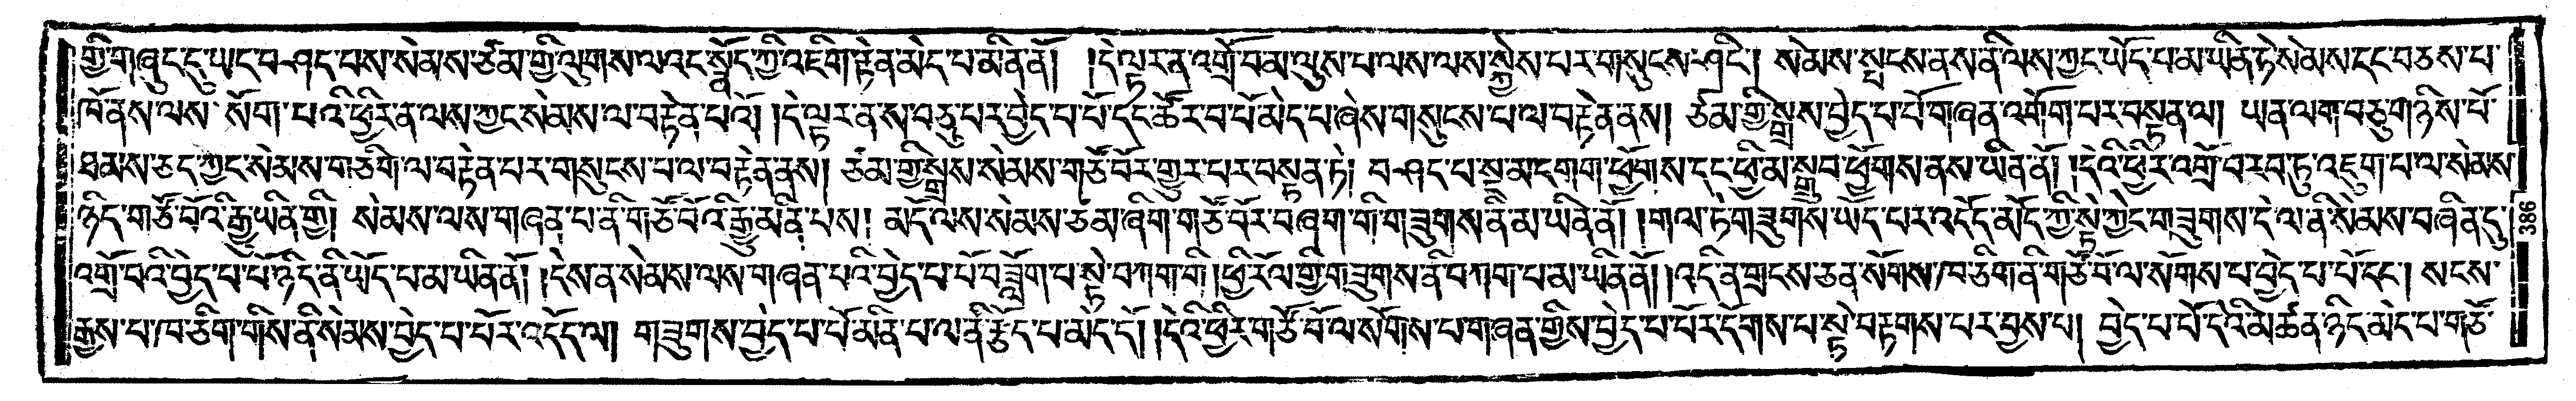གྱི་གཞུང་དུ་ཡང་བཤད་པས་སེམས་ཙམ་གྱི་ལུགས་ལའང་སྣོད་ཀྱི་འཇིག་རྟེན་མེད་པ་མིན་ནོ། །དེ་ལྟར་ན་འགྲོ་བ་མ་ལུས་པ་ལས་ལས་སྐྱེས་པར་གསུངས་ཤིང་། སེམས་སྤངས་ནས་ནི་ལས་ཀྱང་ཡོད་པ་མ་ཡིན་ཏེ་སེམས་དང་བཅས་པ་
ཁོ་ནས་ལས་གསོག་པའི་ཕྱིར་ན་ལས་ཀྱང་སེམས་ལ་བརྟེན་པའོ། །དེ་ལྟར་ན་ས་བཅུ་པར་བྱེད་པ་པོ་དང་ཚོར་བ་པོ་མེད་པ་ཞེས་གསུངས་པ་ལ་བརྟེན་ནས། ཙམ་གྱི་སྒྲས་བྱེད་པ་པོ་གཞན་འགོག་པར་བསྟན་ལ། ཡན་ལག་བཅུ་གཉིས་པོ་
ཐམས་ཅད་ཀྱང་སེམས་གཅིག་ལ་བརྟེན་པར་གསུངས་པ་ལ་བརྟེན་ནས། ཙམ་གྱི་སྒྲས་སེམས་གཙོ་བོར་གྱུར་པར་བསྟན་ཏེ། བཤད་པ་སྔ་མ་དགག་ཕྱོགས་དང་ཕྱི་མ་སྒྲུབ་ཕྱོགས་ནས་ཡིན་ནོ། །དེའི་ཕྱིར་འགྲོ་བ་རབ་ཏུ་འཇུག་པ་ལ་སེམས་
ཉིད་གཙོ་བོའི་རྒྱུ་ཡིན་གྱི། སེམས་ལས་གཞན་པ་ནི་གཙོ་བོའི་རྒྱུ་མིན་པས། མདོ་ལས་སེམས་ཙམ་ཞིག་གཙོ་བོར་བཞག་གི་གཟུགས་ནི་མ་ཡིན་ནོ། །གལ་ཏེ་གཟུགས་ཡོད་པར་འདོད་མོད་ཀྱི་སྟེ་ཀྱང་གཟུགས་དེ་ལ་ནི་སེམས་བཞིན་དུ་
འགྲོ་བའི་བྱེད་པ་པོ་ཉིད་ནི་ཡོད་པ་མ་ཡིན་ནོ། །དེས་ན་སེམས་ལས་གཞན་པའི་བྱེད་པ་པོ་བཟློག་པ་སྟེ་བཀག་གི །ཕྱི་རོལ་གྱི་གཟུགས་ནི་བཀག་པ་མ་ཡིན་ནོ། །འདི་ན་གྲངས་ཅན་སོགས་ཁ་ཅིག་ནི་གཙོ་བོ་ལ་སོགས་པ་བྱེད་པ་པོ་དང་། སངས་
རྒྱས་པ་ཁ་ཅིག་གིས་ནི་སེམས་བྱེད་པ་པོར་འདོད་ལ། གཟུགས་བྱེད་པ་པོ་མིན་པ་ལ་ནི་རྩོད་པ་མེད་དོ། །དེའི་ཕྱིར་གཙོ་བོ་ལ་སོགས་པ་གཞན་གྱིས་བྱེད་པ་པོར་དོགས་པ་སྟེ་བརྟགས་པར་བྱས་པ། བྱེད་པ་པོ་དེའི་མཚན་ཉིད་མེད་པ་གཙོ་